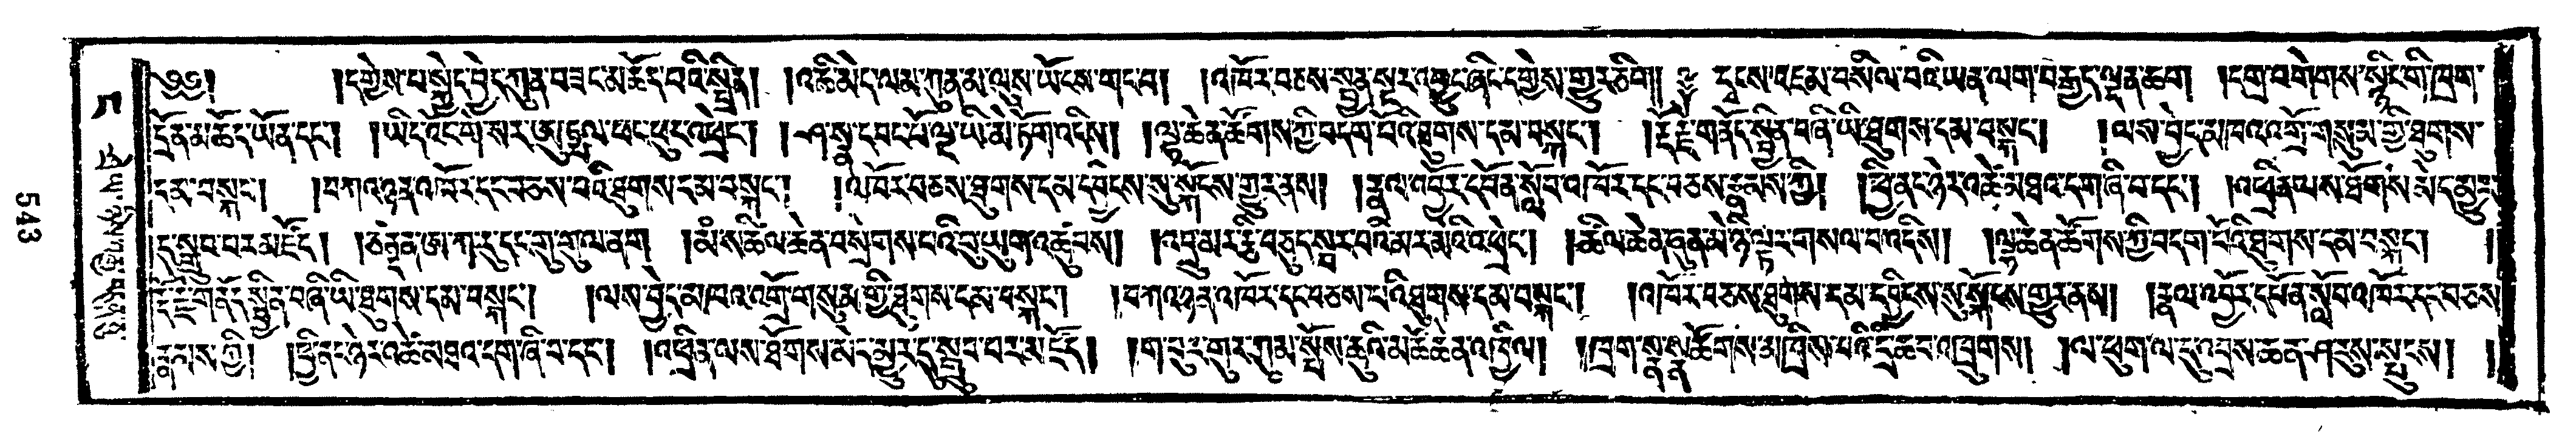༄༅། །དགྱེས་པ་སྐྱེད་བྱེད་ཀུན་བཟང་མཆོད་བའི་སྤྲིན། །འཆི་མེད་ལམ་ཀུན་མ་ལུས་ཡོངས་གང་བ། །འཁོར་བཅས་སྤྱན་སྔར་འབྱུང་ཞིང་དགྱེས་གྱུར་ཅིག། ༈ དྭངས་འཇམ་བསིལ་བའི་ཡན་ལག་བརྒྱད་ལྡན་ཆག །དགྲ་བགེགས་སྙིང་གི་ཁྲག་
དྲོན་མཆོད་ཡོན་དང་། །ཡིད་འོང་གེ་སར་ཨུཏྤལ་ཕང་ཕུང་འཕྲེང་། །ཤ་སྣ་དབང་པོ་ལྔ་ཡི་མེ་ཏོག་འདིས། །ལྟ་ཆེན་ཚོགས་ཀྱི་བདག་པོའི་ཐུགས་དམ་བསྐང་། །རྡོ་རྗེ་གནོད་སྦྱིན་བཞི་ཡི་ཐུགས་དམ་བསྐང་། །ལས་བྱེད་མཁའ་འགྲོ་གསུམ་གྱི་ཐུགས་
དམ་བསྐང་། །བཀའ་ཉན་འཁོར་དང་བཅས་པའི་ཐུགས་དམ་བསྐངས། །འཁོར་བཅས་ཐུགས་དམ་དབྱིངས་སུ་སྐོངས་གྱུར་ནས། །རྣལ་འབྱོར་དཔོན་སློབ་འཁོར་དང་བཅས་རྣམས་ཀྱི། །ཕྱི་ནང་ཉེར་འཚེ་མཐའ་དག་ཞི་བ་དང་། །འཕྲིན་ལས་ཐོགས་མེད་མྱུར་
དུ་སྒྲུབ་པར་མཛོད། །ཙནྡན་ཨ་ཀ་རུ་དང་གུ་གུལ་ནག །མཾ་ས་ཚིལ་ཆེན་བསྲེགས་པའི་བུ་ཡུག་འཚུགས། །འབྲུ་མར་རྩི་བཅུད་སྦར་བའི་མར་མེའི་འཕྲེང་། །ཚིལ་ཆེན་ཞུན་མེ་ཉི་ལྟར་གསལ་བ་འདིས། །ལྷ་ཆེན་ཚོགས་ཀྱི་བདག་པོའི་ཐུགས་དམ་བསྐང་། །
རྡོ་རྗེ་གནོད་སྦྱིན་བཞི་ཡི་ཐུགས་དམ་བསྐང་། །ལས་བྱེད་མཁའ་འགྲོ་གསུམ་གྱི་ཐུགས་དམ་བསྐང་། །བཀའ་ཉན་འཁོར་དང་བཅས་པའི་ཐུགས་དམ་སྐངས། །འཁོར་བཅས་ཐུགས་དམ་དབྱིངས་སུ་སྐོངས་གྱུར་ནས། །རྣལ་འབྱོར་དཔོན་སློབ་འཁོར་དང་བཅས་
རྣམས་ཀྱི། །ཕྱི་ནང་ཉེར་འཚེ་མཐའ་དག་ཞི་བ་དང་། །འཕྲིན་ལས་ཐོགས་མེད་མྱུར་དུ་སྒྲུབ་པར་མཛོད། །ག་པུ་ར་གུར་ཀུམ་སྤོས་ཆུའི་མཚོ་ཆེན་འཁྱིལ། །ཁྲག་སྣ་སྣ་ཚོགས་མཁྲིས་པའི་དྲི་ཆབ་འཁྲུགས། །ལ་ཕུག་ལ་དུ་འབྲས་ཆན་ཤ་རུས་སྤུངས། །